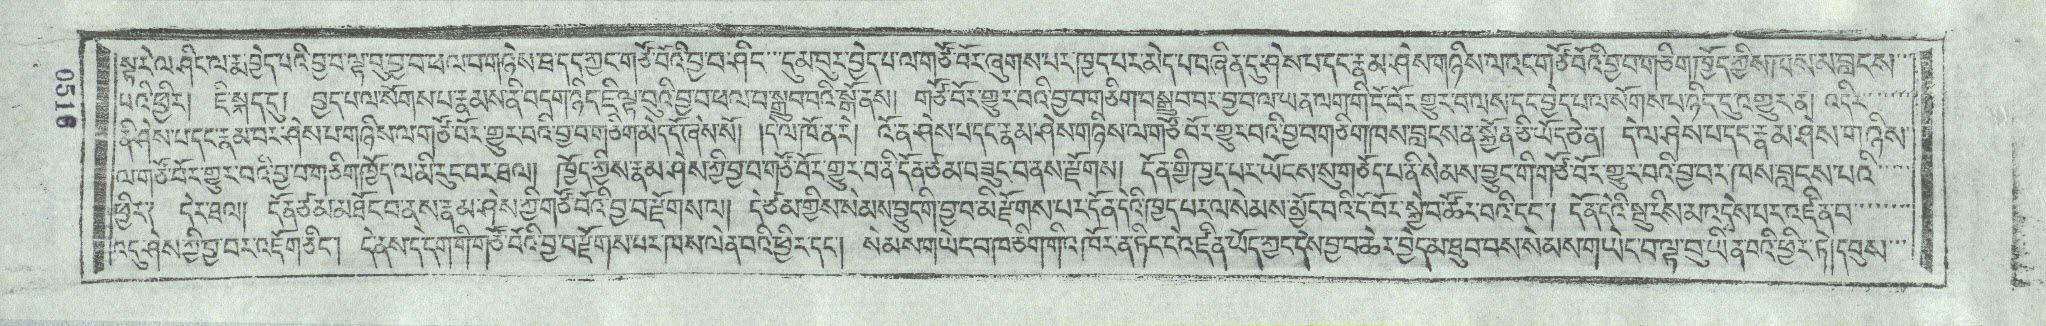སྟ་རེ་ལ་ཤིང་ལ་རྨ་བྱེད་པའི་བྱ་བ་ལྟ་བུ་བྱ་བ་ཕལ་བ་གཉིས་ཐ་དད་ཀྱང་གཙོ་བོའི་བྱ་བ་ཤིང་དུམ་བུར་བྱེད་པ་ལ་གཙོ་བོར་ཞུགས་པར་ཁྱད་པར་མེད་པ་བཞིན་དུ་ཤེས་པ་དང་རྣམ་ཤེས་གཉིས་ལ་འང་གཙོ་བོའི་བྱ་བ་གཅིག་ཁྱོད་ཀྱིས་ཁས་མ་བླངས་
པའི་ཕྱིར། ཇི་སྐད་དུ། བྱད་པ་ལ་སོགས་པ་རྣམས་ནི་བདག་ཉིད་ཇི་ལྟ་བུའི་བྱ་བ་ཕལ་པ་སྒྲུབ་པའི་སྒོ་ནས། གཙོ་བོར་གྱུར་བའི་བྱ་བ་གཅིག་བསྒྲུབ་པར་བྱ་བ་ལ་ཡན་ལག་གི་ངོ་བོར་གྱུར་བ་ལས་དང་བྱེད་པ་ལ་སོགས་པ་ཉིད་དུ་འགྱུར་ན། འདིར་
ནི་ཤེས་པ་དང་རྣམ་པར་ཤེས་པ་གཉིས་ལ་གཙོ་བོར་གྱུར་བའི་བྱ་བ་གཅིག་མེད་དོ་ཞེས་སོ། །དེ་ལ་ཁོ་ན་རེ། འོ་ན་ཤེས་པ་དང་རྣམ་ཤེས་གཉིས་ལ་གཙོ་བོར་གྱུར་བའི་བྱ་བ་གཅིག་ཁས་བླངས་ན་སྐྱོན་ཅི་ཡོད་ཅེ་ན། དེ་ལ་ཤེས་པ་དང་རྣམ་ཤེས་གཉིས་
ལ་གཙོ་བོར་གྱུར་བའི་བྱ་བ་གཅིག་ཁྱོད་ལ་མི་རུང་བར་ཐལ། ཁྱོད་ཀྱིས་རྣམ་ཤེས་ཀྱི་བྱ་བ་གཙོ་བོར་གྱུར་བ་ནི་དོན་ཙམ་བཟུང་བ་ནས་རྫོགས། དོན་གྱི་ཁྱད་པར་ཡོངས་སུ་གཅོད་པ་ནི་སེམས་བྱུང་གི་གཙོ་བོར་གྱུར་བའི་བྱ་བར་ཁས་བླངས་པའི་
ཕྱིར༑ དེར་ཐལ། དོན་ཙམ་མཐོང་པ་ནས་རྣམ་ཤེས་ཀྱི་གཙོ་བོའི་བྱ་བ་རྫོགས་ལ། དེ་ཙམ་གྱིས་སེམས་བྱུང་གི་བྱ་བ་མི་རྫོགས་པར་དོན་དེའི་ཁྱད་པར་ལ་སེམས་མྱོང་བའི་ངོ་བོར་སྐྱེ་བ་ཚོར་བའི་དང་། དོན་དེའི་སྦུ་རིས་མ་འདྲེས་པར་འཛིན་པ་
འདུ་ཤེས་ཀྱི་བྱ་བར་འཇོག་ཅིང་། དེ་ནས་དེ་དག་གི་གཙོ་བོའི་བྱ་བ་རྫོགས་པར་ཁས་ལེན་པའི་ཕྱིར་དང་། སེམས་གཡེང་བ་ཁ་ཅིག་གི་འཁོར་ན་ཏིང་ངེ་འཛིན་ཡོད་ཀྱང་དེས་བྱ་བ་ཆེར་བྱེད་མ་ཐུབ་པས་སེམས་གཡེང་བ་ལྟ་བུ་ཡིན་པའི་ཕྱིར་ཏེ། དབུས་